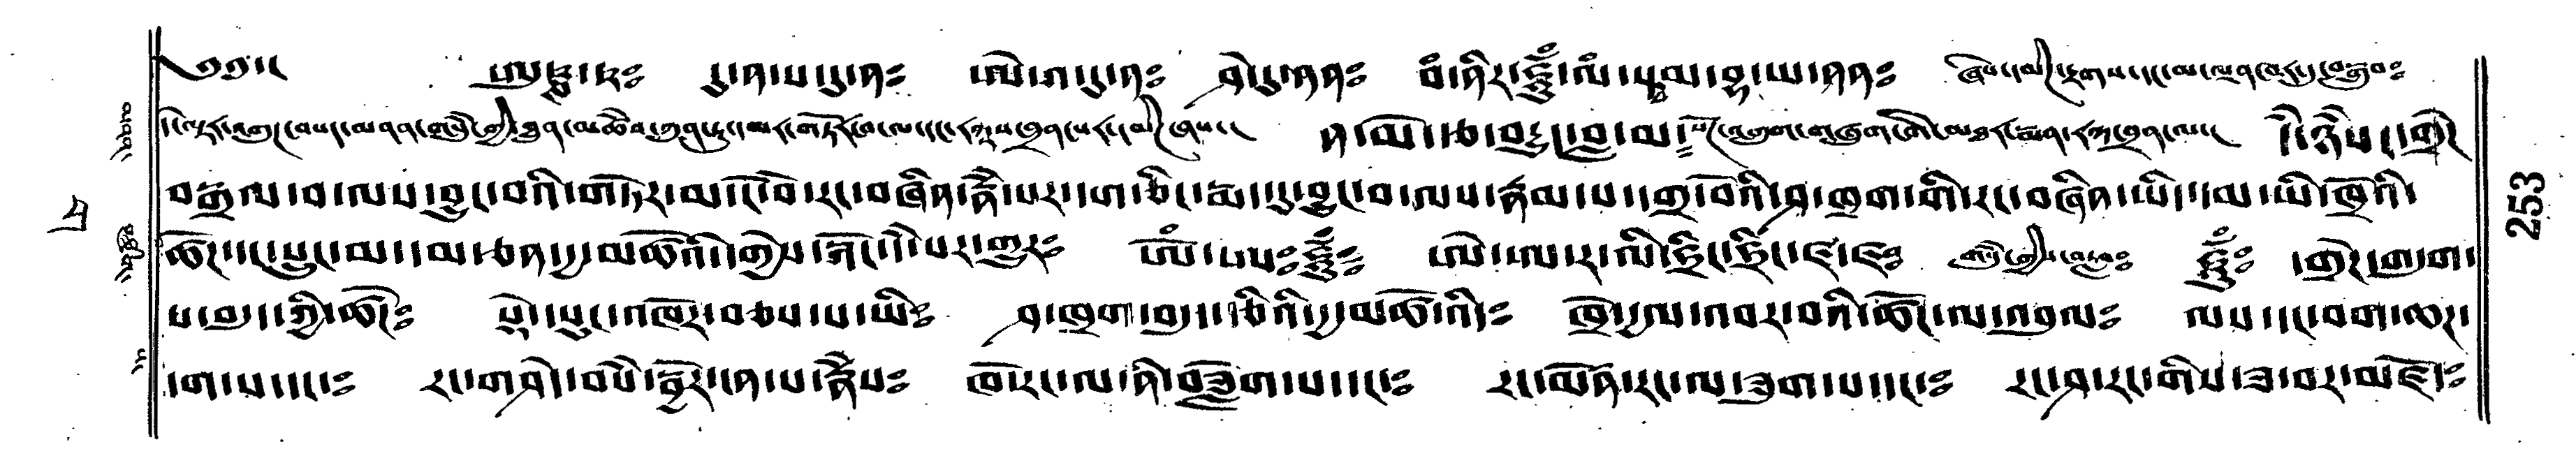ཨུཥྞ་རཿ དུ་ན་ས་དུ་ནཿ ཨེཀ་དུ་ནཿ ཤེ་དུ་ནནཿ བཾ་ནིར་ཧཱུྃ་ལཾ་སྟྭམ་བྷ་ཡ་ནནཿ ཞེས་དམིགས་རྟགས་དང་མ་ལྡན་བར་དུ་བསྒྲུབཿ 
དེ་ལྟར་འགུགས་བསད་མནན་གསུམ་གྱི་ཐུན་མཚམས་ཀུན་ཏུ་དམར་གཏོར་བ་ལ་དང་རཀྟས་བྲན་པར་དམིགས་ནས། ན་མོ་རྩ་བརྒྱུད་བླ་མ་སོགས་འགུག་གཞུག་གི་མཐར་སྨན་རཀ་བྲན་ལ། དམ་ཉམས་དགྲ་བོ་
བསྒྲལ་བ་ལས་བྱུང་བའི་གཏོར་མ་ངོ་བོ་རང་གཞིན་རྣམ་པར་དག་ཅིང་རྨད་དུ་བྱུང་བ་ལས་རྣམ་པ་དགྲ་བོའི་ཤ་ཁྲག་གི་རང་བཞིན་ཡི་དམ་ཞི་ཁྲོའི་
ཚོགས་དང་སྲུང་མ་དམ་ཅན་རྒྱ་མཚོའི་དགྱེས་སྐོང་དམ་པར་གྱུརཿཨོཾ་ཨཱཿཧཱུྃ༔ ཨེ་ཨ་ར་ལི་ཧྲིང་ཧྲིང་ཛ་ཛཿ གསུམ་གྱིས་རློབསཿ ཧཱུྃཿ དགྲ་བགེགས་གདུག་
པ་བདུད་ཀྱི་ཚོགསཿ སྡེ་དཔུང་འཁོར་བཅས་པ་ཡིཿ ཤ་ཁྲག་བདུད་རྩིའི་རྒྱ་མཚོ་འདིཿ ཁྲོ་རྒྱལ་འབར་བའི་ཚོགས་ལ་འབུལཿ ལས་དང་བག་ཆགས་
དག་པ་དངཿ རང་གཤེད་བསམ་སྦྱོར་ངན་པ་རྣམསཿ ཁོ་རང་ལ་ནི་ཟློག་པ་དངཿ རང་མཚོན་རང་ལ་ཟུག་པ་དངཿ རང་ཤ་རང་གིས་ཟ་བར་མཛོདཿ